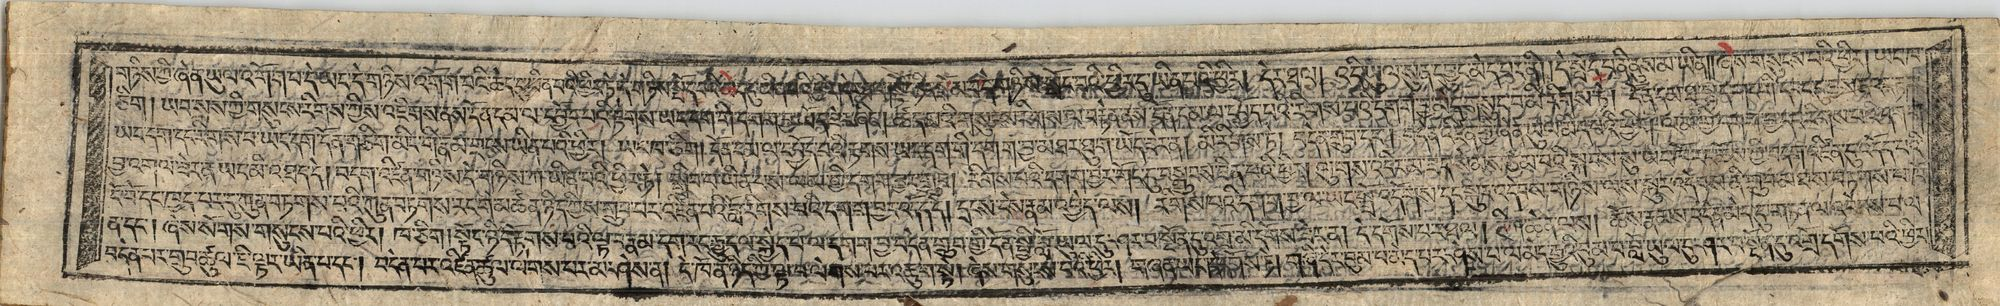གཉིས་ཀྱི་ཞེན་ཡུལ་འགོག་པ་དེ་ཡང་དེ་གཉིས་འགོག་པའི་ཆེད་དུ་ཡིན་པའི་ཕྱིར་ཏེ། དེ་གཉིས་སྤོང་བའི་ཆེད་དུ་ཡིན་པའི་ཕྱིར། དེར་ཐལ། སྟོང་ཉིད་སྒོམ་བདེ་གཉིས་སྤོང་བའི་ཕྱིར་དུ་ཡིན་པའི་ཕྱིར། དེར་ཐལ། འདི་ཡུལ་སུན་དབྱུང་མེད་པར་ནི། །དེ་སྤོང་པ་ནི་ནུས་མ་ཡིན། །ཞེས་གསུངས་པའི་ཕྱིར། ཡང་ཁ་
ཅིག །ཡབ་སྲས་ཀྱི་གསུངས་རིགས་ཀྱིས་འཇིགས་ནས་དོན་དམ་ལ་དཔྱོད་པའི་རྟགས་ཡང་དག་གི་དགག་བྱ་ཡོད་ཟེར་ཞིང་། ཚད་མའི་གསུངས་རིགས་ལ་བརྟེན་ནས་དོན་དམ་ལ་དཔྱོད་པའི་རིགས་པའི་དགག་བྱ་མེད་གསུང་བ་མི་རིགས་ཏེ། དོན་དམ་ཐ་སྙད་གང་གི་དབང་དུ་བྱས་ནའང་རྟགས་
ཡང་དག་དང་རིགས་པ་ཡང་དག་དོན་གཅིག་མིང་གི་རྣམ་གྲངས་ཡིན་པའི་ཕྱིར། ཡང་ཁ་ཅིག །དོན་དམ་ལ་དཔྱོད་པའི་རྟགས་ཡང་དག་གི་དགག་བྱ་མཐར་ཐུག་ཡོད་ཟེར་ན། མི་རིགས་ཏེ། བདེན་གྲུབ་དང་། བདེན་འཛིན་གྱི་ཞེན་ཡུལ་མེད་པའི་ཕྱིར། ལམ་གྱི་དགག་བྱ་དང་རིགས་པའི་དགག་
བྱ་འགལ་ཟེར་ན་ཡང་མི་འཐད་དེ། བདག་འཛིན་གཉིས་དེ་གཉིས་ཀ་ཡིན་པའི་ཕྱིར་ཏེ། སྒྲིབ་པ་ཡིན་པས་ལམ་གྱི་དགག་བྱར་གྲུབ། རིགས་པའི་དགག་བྱར་གོང་དུ་བསྒྲུབས་ཟིན་པའི་ཕྱིར། ལུགས་འདིར་མ་ཟད་སེམས་ཙམ་པའི་སྐབས་སུ་ཡང་ཁོ་རང་ཆོས་ཀྱི་བདག་འཛིན་དུ་འདོད་པའི་
ངོ་བོ་དང་ཁྱད་པར་དུ་ཀུན་བཏགས་པའི་ཀུན་བཏགས་རང་གི་མཚན་ཉིད་ཀྱིས་གྲུབ་པར་འཛིན་པའི་བློ་རིགས་པའི་དགག་བྱར་འདོད་དེ། དྲངས་ངེས་རྣམ་འབྱེད་ལས། རིགས་པའི་དགག་བྱ་ལ་ཡང་སྒྲོ་འདོགས་དང་སྐུར་འདེབས་གཉིས་ལས་སྐུར་འདེབས་ནི་གྲུབ་མཐས་བཏགས་པ་ཁོ་
ན་དང་། ཞེས་སོགས་གསུངས་པའི་ཕྱིར། ཁ་ཅིག །སྟོང་ཉིད་རྟོགས་པའི་ལྟ་བ་རྣམ་དག་རང་རྒྱུད་ལ་སྐྱེད་པ་ལ་དགག་བྱ་བདེན་གྲུབ་གྱི་དོན་སྤྱི་བློ་ཡུལ་དུ་ཤར་བ་སྔོན་དུ་འགྲོ་མི་དགོས་ཟེར་ན། དེ་དགོས་པར་ཐལ། ཊིཀཆེན་ལས། ཆོས་རྣམས་བདེན་མེད་དུ་གཏན་ལ་འབེབས་པ་ལ་
བདེན་པར་གྲུབ་ཚུལ་ཇི་ལྟར་ཡིན་པ་དང་། བདེན་པར་འཛིན་ཚུལ་ལེགས་པར་མ་ཤེས་ན། དེ་ཁོ་ན་ཉིད་ཀྱི་ལྟ་བ་ལེགས་པར་འཚུག?་སྟེ། ཞེས་གསུངས་པའི་ཕྱིར། གཞན་ཡང་། དེ་དགོས་ཏེ། གཞི་དེར་བུམ་པ་མེད་པར་ཤེས་པ་ལ་མེད་རྒྱུའི་བུམ་པ་བློ་ཡུལ་དུ་ཤར་བ་སྔོན་དུ་འགྲོ་དགོས་པའི་ཕྱིར་